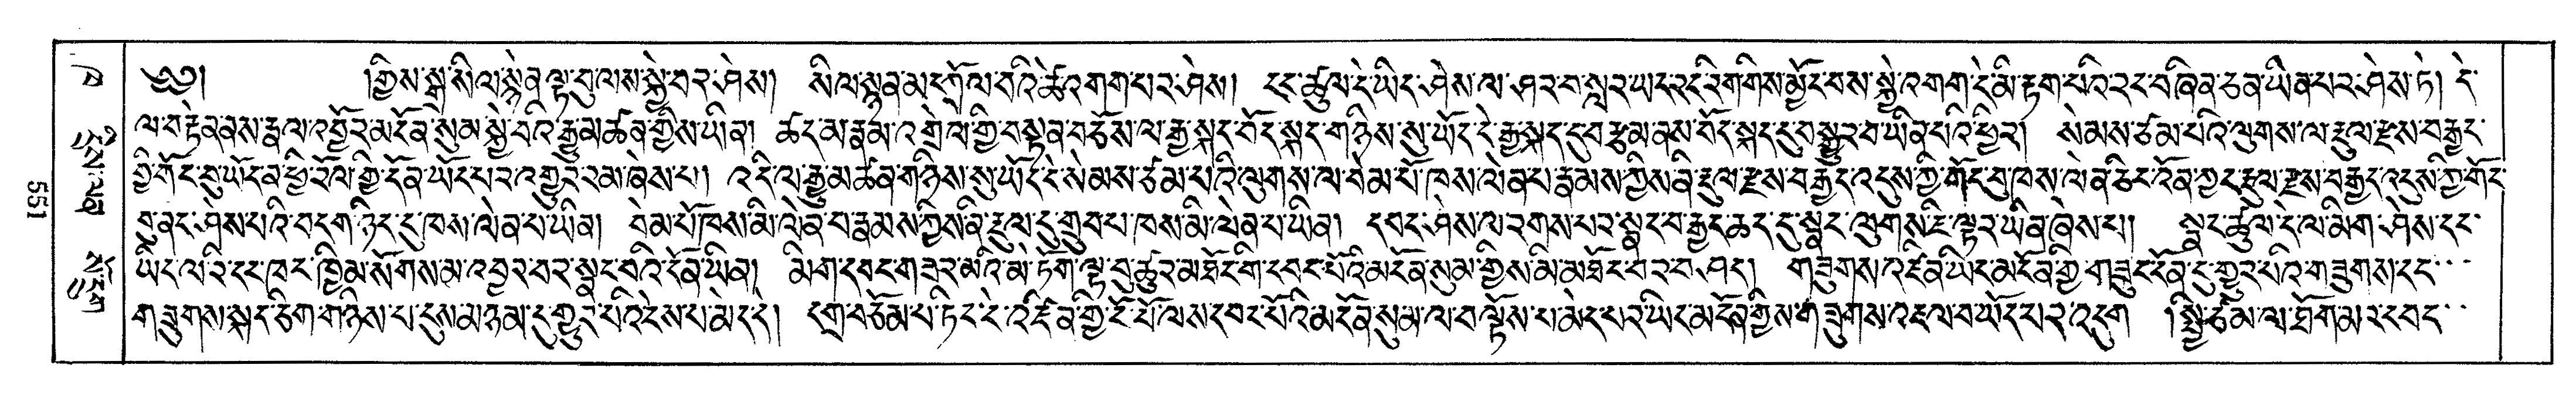༄༅། །གྱིས་སྒྲ་སིལ་སྙན་ལྟ་བུ་ལས་སྐྱེ་བར་ཤེས། སིལ་སྙན་མ་དཀྲོལ་བའི་ཚེ་འགག་པར་ཤེས། ངང་ཚུལ་དེ་ཡིད་ཤེས་ལ་ཤར་བ་སླར་ཡང་རང་རིག་གིས་མྱོང་བས་སྐྱེ་འགག་དེ་མི་རྟག་པའི་རང་བཞིན་ཅན་ཡིན་པར་ཤེས་ཏེ། དེ་
ལ་བརྟེན་ནས་རྣལ་འབྱོར་མངོན་སུམ་སྐྱེ་བའི་རྒྱུ་མཚན་གྱིས་ཡིན། ཚང་མ་རྣམ་འགྲེལ་གྱི་བསྟན་བཅོས་ལ་རྒྱ་སྐང་བོད་སྐད་གཉིས་སུ་ཡོད་དེ་རྒྱ་སྐད་དུ་བརྩམ་ནས་བོད་སྐད་དུ་བསྒྱུར་བ་ཡིན་པའི་ཕྱིར། སེམས་ཙམ་པའི་ལུགས་ལ་རྡུལ་རྫས་བརྒྱད་
ཀྱི་གོང་བུ་ཡོད་ན་ཕྱི་རོལ་གྱི་དོན་ཡོད་པར་འགྱུར་རམ་ཞེས་པ། འདི་ལ་རྒྱུ་མཚན་གཉིས་སུ་ཡོད་དེ་སེམས་ཙམ་པའི་ལུགས་ལ་བེམ་པོ་ཁས་ལེན་པ་རྣམས་ཀྱིས་ནི་རྡུལ་རྫས་བརྒྱད་འདུས་ཀྱི་གོང་བུ་ཁས་ལེན་ཅིང་འོན་ཀྱང་རྡུལ་རྫས་བརྒྱད་འདུས་ཀྱི་གོང་
བུ་ནང་ཤེས་པའི་བདག་ཉིད་དུ་ཁས་ལེན་པ་ཡིན། བེམ་པོ་ཁས་མི་ལེན་པ་རྣམས་ཀྱིས་ནི་རྡུལ་དུ་གྲུབ་པ་ཁས་མི་ལེན་པ་ཡིན། དབང་ཤེས་ལ་རགས་པར་སྣང་བ་རྒྱད་ཆད་དུ་སྣང་ལུགས་ཇི་ལྟར་ཡིན་ཞེས་པ། སྣང་ཚུལ་དེ་ལ་མིག་ཤེས་དང་
ཡིད་ལ་རི་དང་ཁང་ཁྱིམ་སོགས་མ་འབྱར་བར་སྣང་བའི་དོན་ཡིན། མིག་དབང་གཟར་མའི་མེ་ཏོག་ལྟ་བུ་ཚུར་མཐོང་གི་དབང་པོའི་མངོན་སུམ་གྱིས་མི་མཐོང་བར་བཤད། གཟུགས་འཛིན་ཡིད་མངོན་གྱི་གཟུང་དོན་དུ་གྱུར་པའི་གཟུགས་དང་
གཟུགས་སྐད་ཅིག་གཉིས་པ་དུས་མཉམ་དུ་གྲུབ་པའི་ངེས་པ་མེད་དེ། དགྲ་བཅོམ་པ་ཏིང་ངེ་འཛིན་གྱི་ངོ་བོ་ལས་དབང་པོའི་མངོན་སུམ་ལ་བལྟོས་པ་མེད་པར་ཡིད་མངོན་གྱིས་གཟུགས་འཇལ་བ་ཡོད་པར་འདུག །སྤྱི་ཙམ་ལ་ཐོག་མར་དབང་